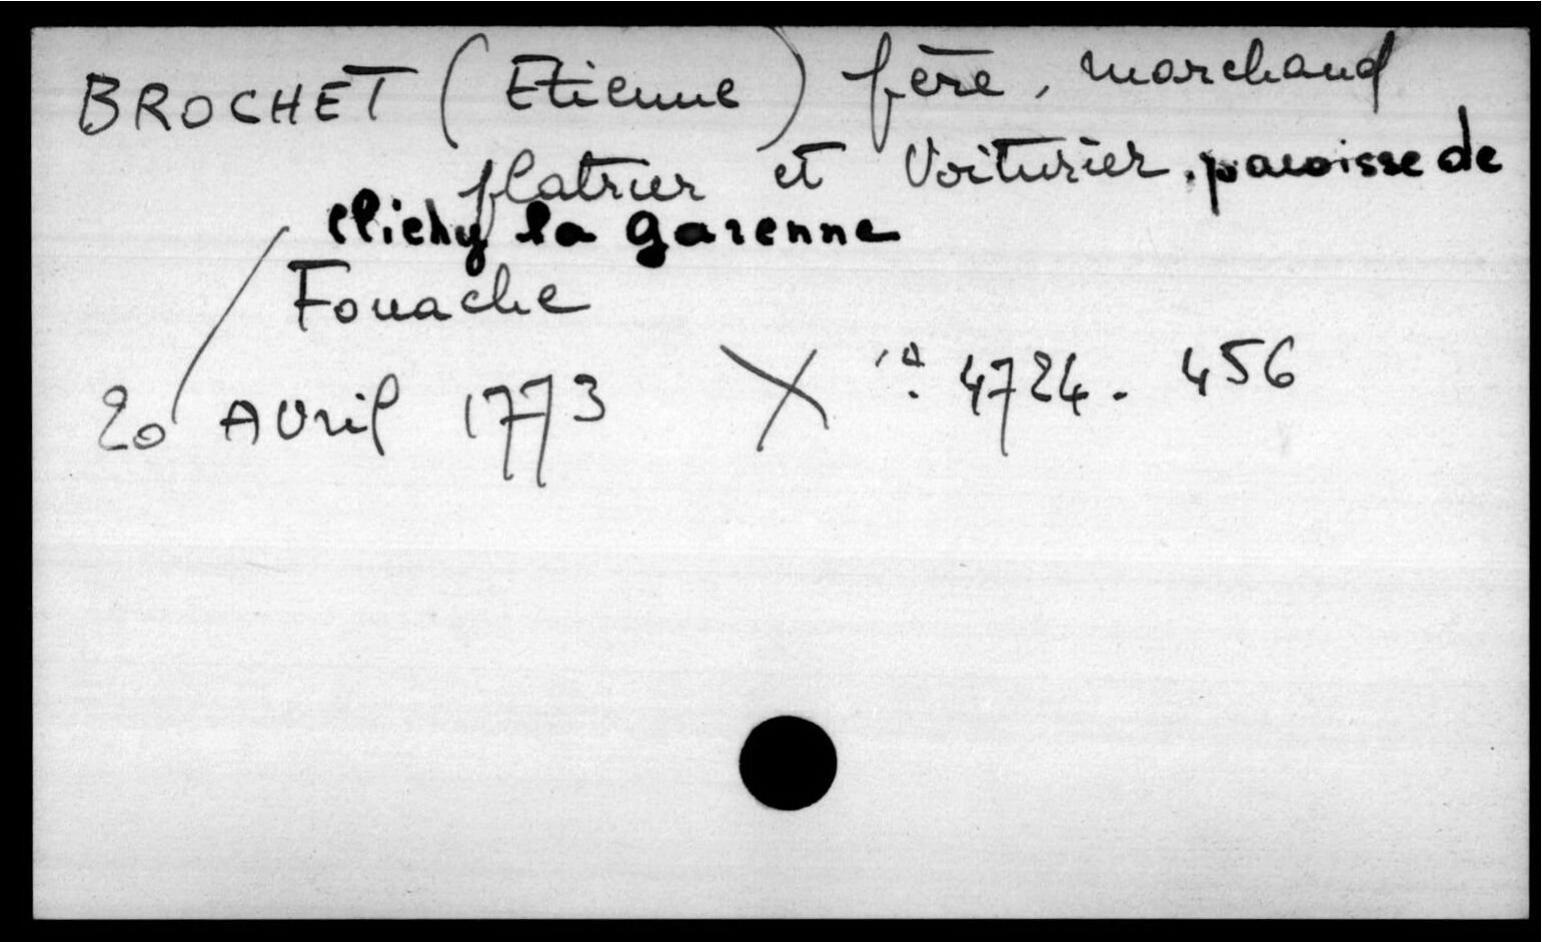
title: BROCHET (Étienne) frère, marchand plâtrier et voiturier, paroisse de Clichy la garenne
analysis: Contre Fouache
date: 20 avril 1773
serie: X1a
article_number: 4724
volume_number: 456
